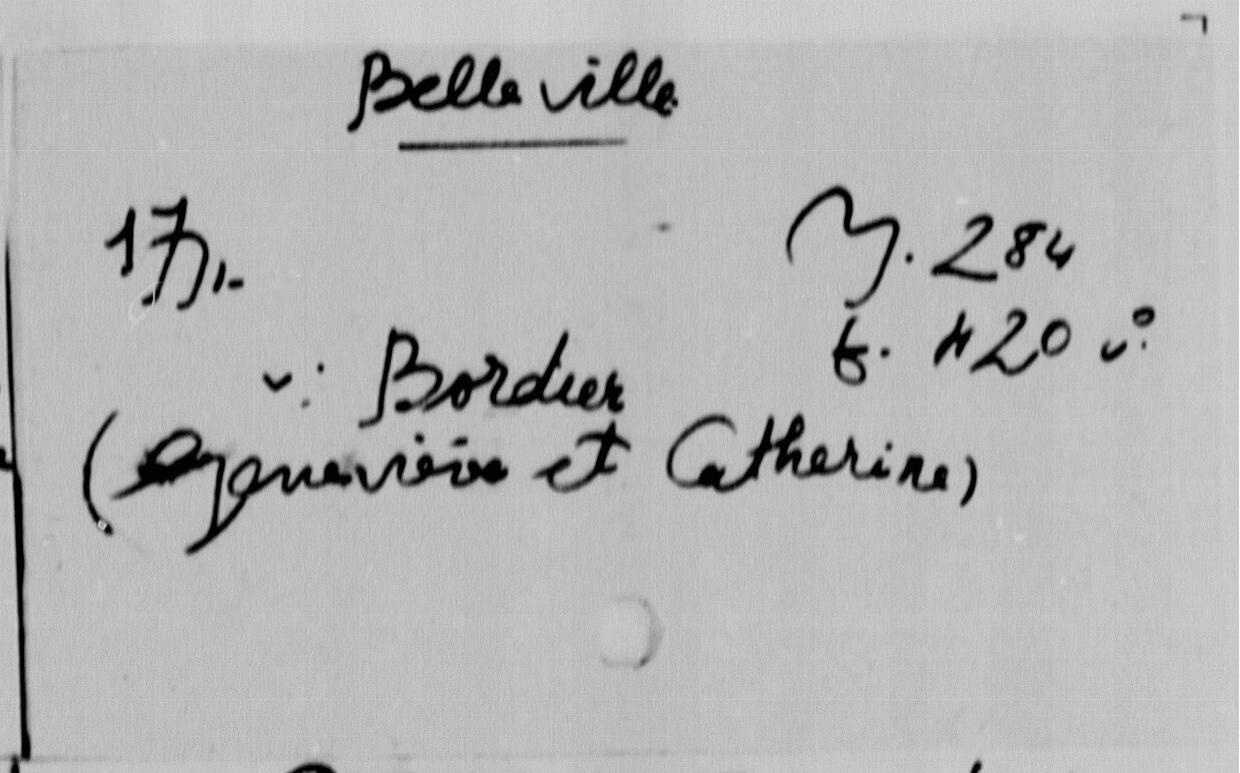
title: Belleville
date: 1711
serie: Y
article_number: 284
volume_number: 420v
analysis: Voir Bordier (Geneviève et Catherine)
